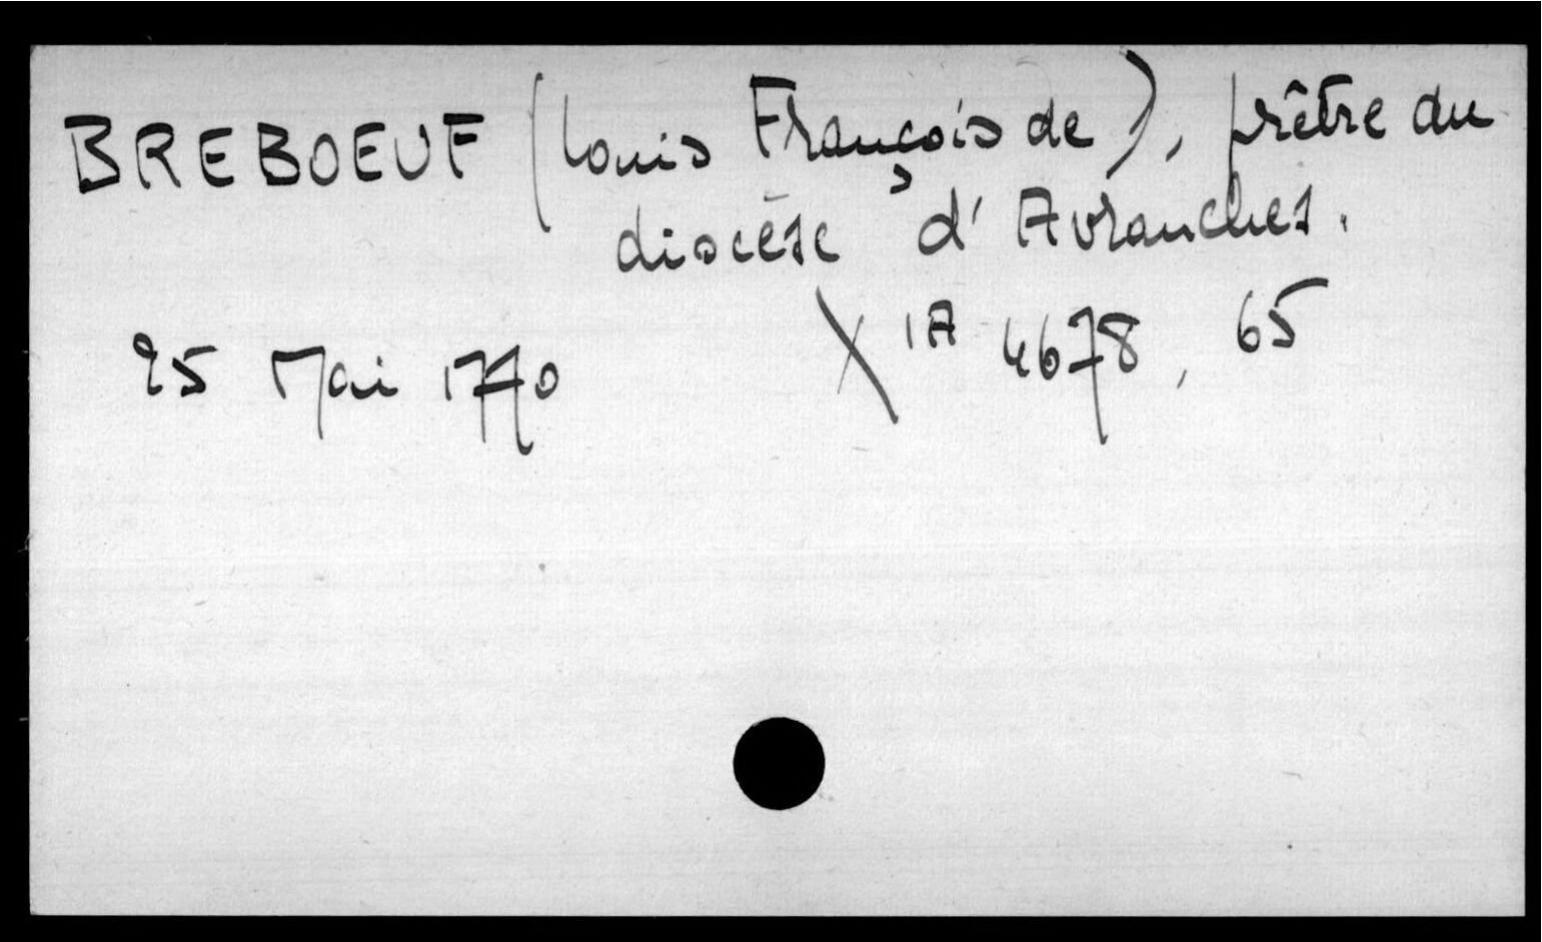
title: BREBOEUF (Louis François de), prêtre du diocèse d'Avranches.
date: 25 mai 1770
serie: X1A
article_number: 4678
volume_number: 65
